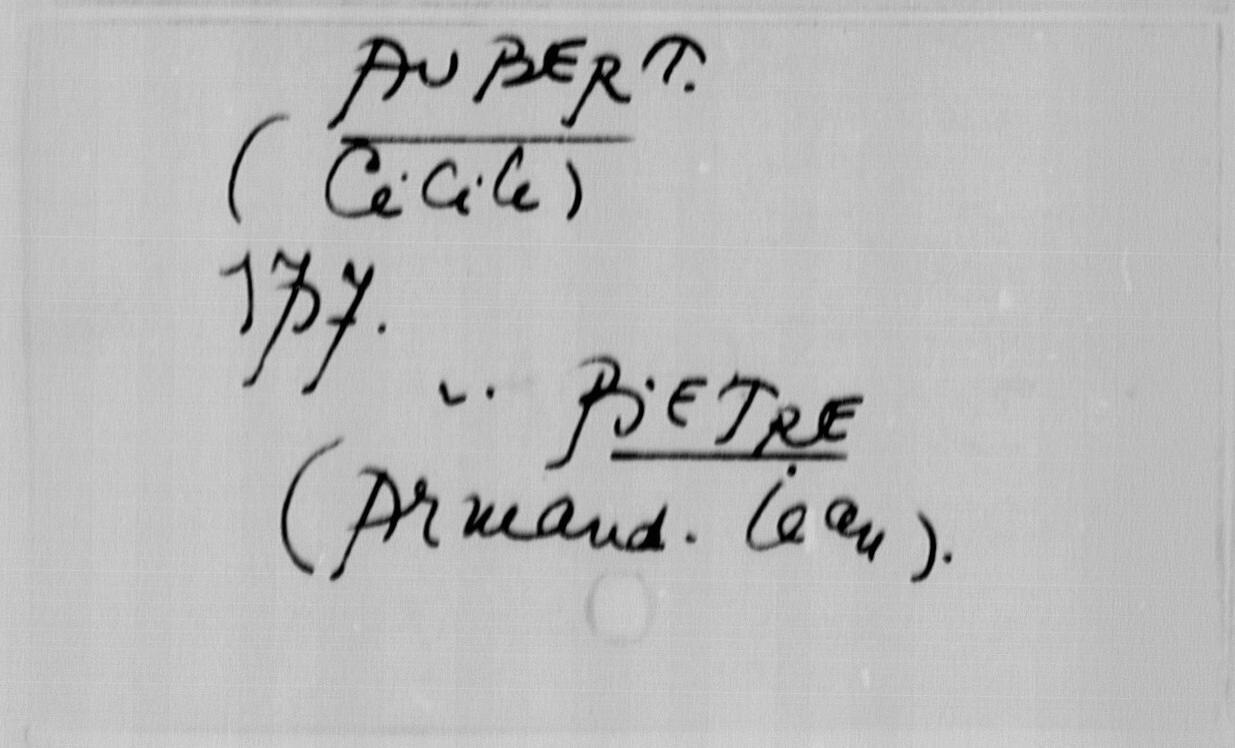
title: AUBERT (Cécile)
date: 1707
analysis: Voir PIETRE (Armand-Jean)
